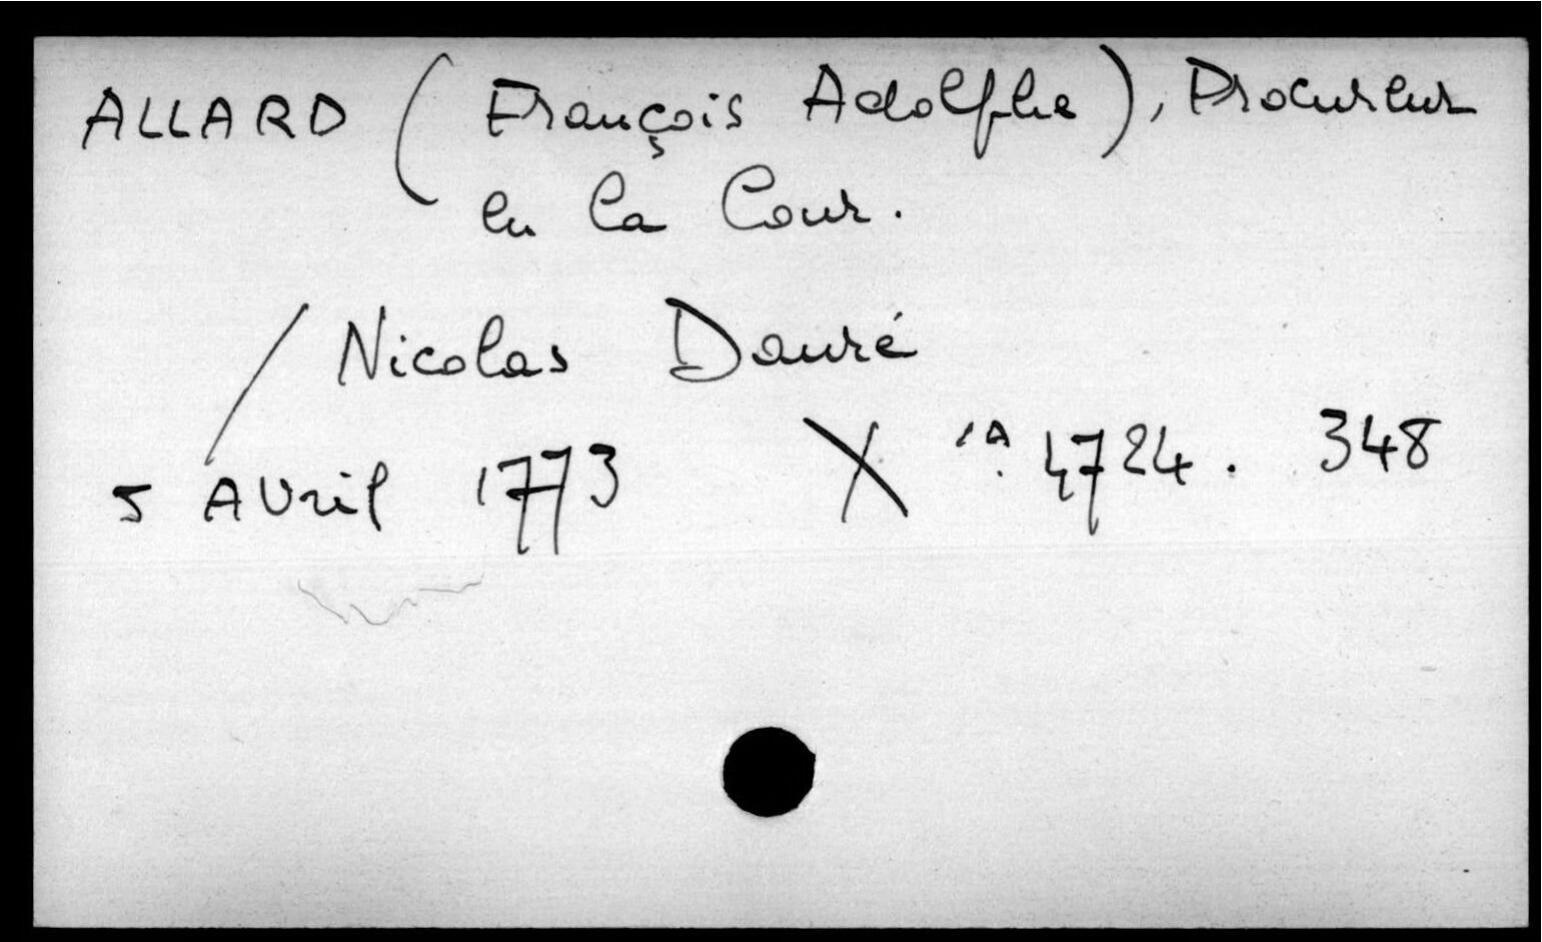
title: ALLARD (François Adolphe), procureur en la Cour.
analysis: Contre Nicolas Dauré
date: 5 avril 1773
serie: X1A
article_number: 4724
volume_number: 348
